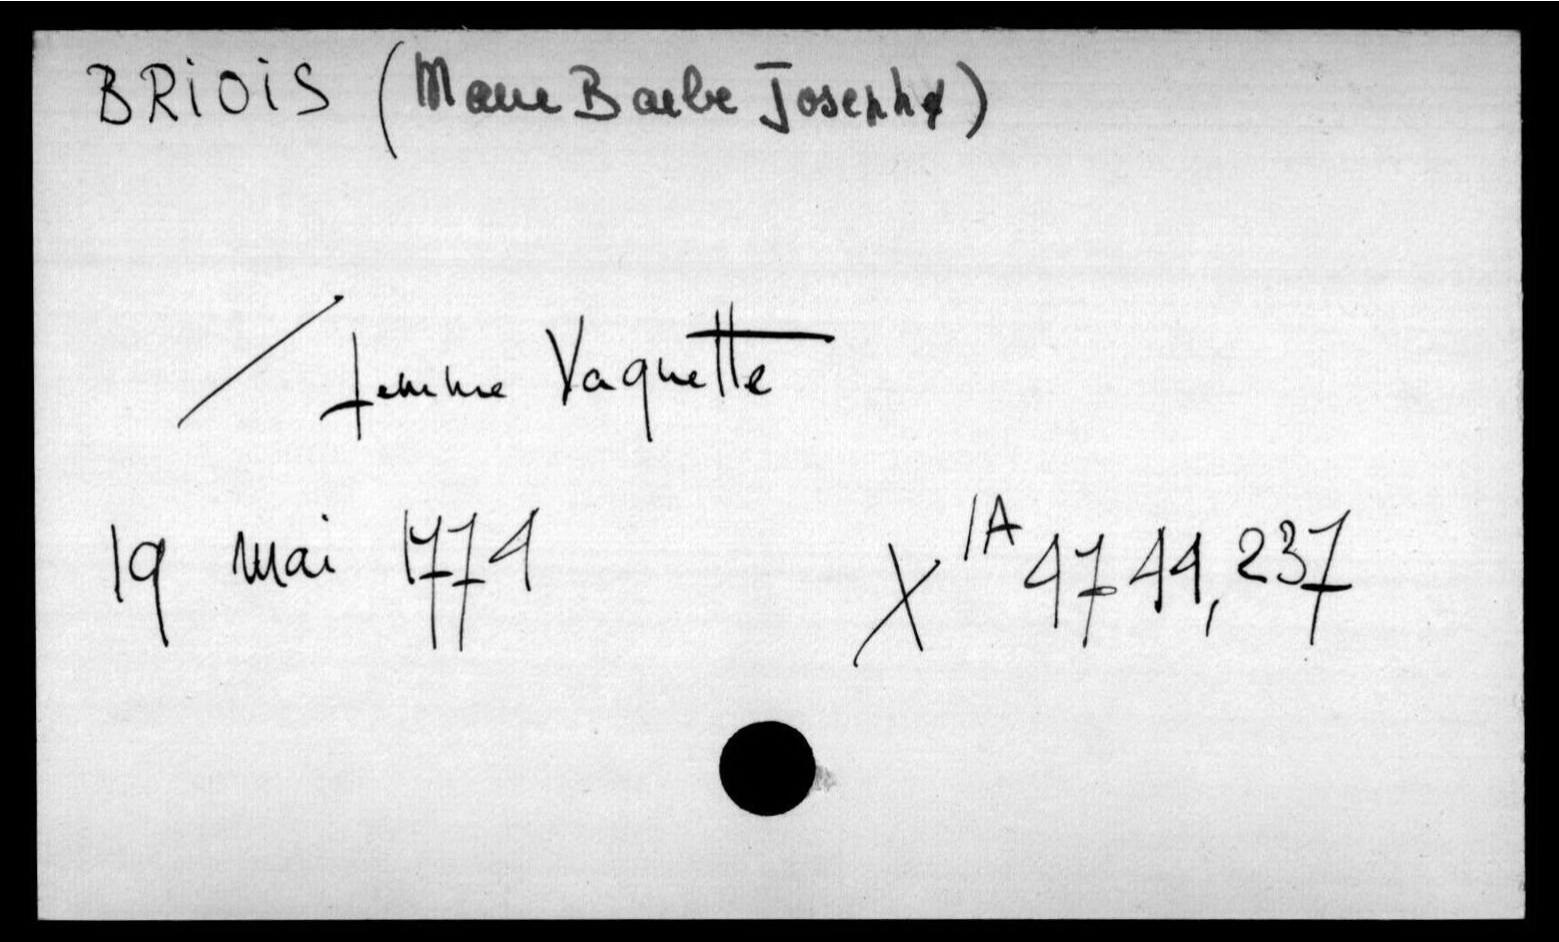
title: BRIOIS (Marie Barbe Joseph)
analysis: Contre femme Vaquette
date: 19 mai 1774
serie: X1A
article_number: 4744
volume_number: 237
